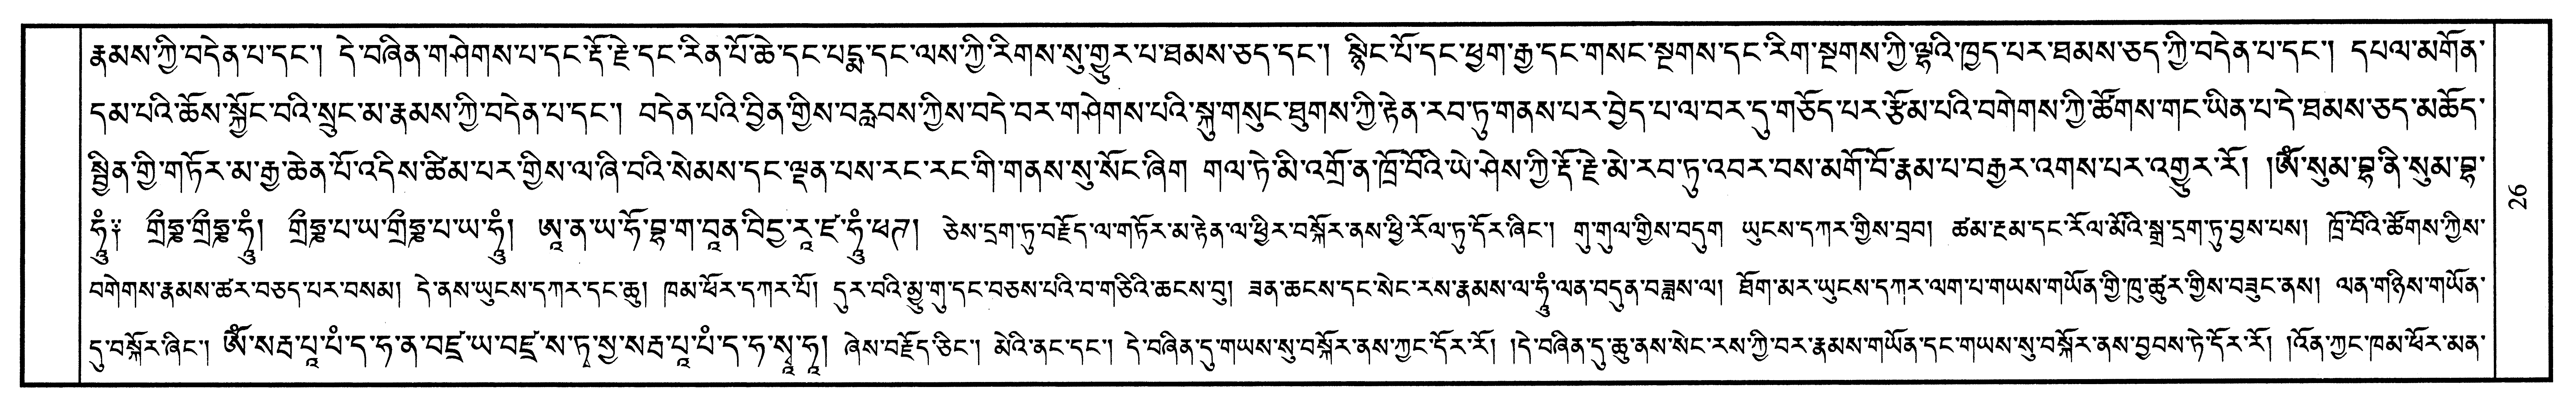རྣམས་ཀྱི་བདེན་པ་དང་། དེ་བཞིན་གཤེགས་པ་དང་རྡོ་རྗེ་དང་རིན་པོ་ཆེ་དང་པདམ་དང་ལས་ཀྱི་རིགས་སུ་གྱུར་པ་ཐམས་ཅད་དང་། སྙིང་པོ་དང་ཕྱག་རྒྱ་དང་གསང་སྔགས་དང་རིག་སྔགས་ཀྱི་ལྷའི་ཁྱད་པར་ཐམས་ཅད་ཀྱི་བདེན་པ་དང་། དཔལ་མགོན་
དམ་པའི་ཆོས་སྐྱོང་བའི་སྲུང་མ་རྣམས་ཀྱི་བདེན་པ་དང་། བདེན་པའི་བྱིན་གྱིས་བརླབས་ཀྱིས་བདེ་བར་གཤེགས་པའི་སྐུ་གསུང་ཐུགས་ཀྱི་རྟེན་རབ་ཏུ་གནས་པར་བྱེད་པ་ལ་བར་དུ་གཅོད་པར་རྩོམ་པའི་བགེགས་ཀྱི་ཚོགས་གང་ཡིན་པ་དེ་ཐམས་ཅད་མཆོད་
སྦྱིན་གྱི་གཏོར་མ་རྒྱ་ཆེན་པོ་འདིས་ཚིམ་པར་གྱིས་ལ་ཞི་བའི་སེམས་དང་ལྡན་པས་རང་རང་གི་གནས་སུ་སོང་ཞིག་གལ་ཏེ་མི་འགྲོ་ན་ཁྲོ་བོའི་ཡེ་ཤེས་ཀྱི་རྡོ་རྗེ་མེ་རབ་ཏུ་འབར་བས་མགོ་བོ་རྣམ་པ་བརྒྱར་འགས་པར་འགྱུར་རོ། །ཨོཾ་སུམ་བྷ་ནི་སུམ་བྷ་
ཧཱུཾ༑ གྲྀཧྞ་གྲྀཧྞ་ཧཱུཾ། གྲྀཧྞ་པ་ཡ་གྲྀཧྞ་པ་ཡ་ཧཱུཾ། ཨཱ་ན་ཡ་ཧོ་བྷ་ག་བཱན་བིངྱ་རཱ་ཛ་ཧཱུཾ་ཕཊ། ཅེས་དྲག་ཏུ་བརྗོད་ལ་གཏོར་མ་རྟེན་ལ་ཕྱིར་བསྐོར་ནས་ཕྱི་རོལ་ཏུ་དོར་ཞིང་། གུ་གུལ་གྱིས་བདུག་ཡུངས་དཀར་གྱིས་བྲབ། ཚམ་རྔམ་དང་རོལ་མོའི་སྒྲ་དྲག་ཏུ་བྱས་པས། ཁྲོ་བོའི་ཚོགས་ཀྱིས་
བགེགས་རྣམས་ཚར་བཅད་པར་བསམ། དེ་ནས་ཡུངས་དཀར་དང་ཆུ། ཁམ་ཕོར་དཀར་པོ། དུར་བའི་མྱུ་གུ་དང་བཅས་པའི་བ་གཅིའི་ཆངས་བུ། ཟན་ཆངས་དང་སེང་རས་རྣམས་ལ་ཧཱུཾ་ལན་བདུན་བཟླས་ལ། ཐོག་མར་ཡུངས་དཀར་ལག་པ་གཡས་གཡོན་གྱི་ཁུ་ཚུར་གྱིས་བཟུང་ནས། །ལན་གཉིས་གཡོན་
དུ་བསྐོར་ཞིང་། ཨོཾ་སརྦ་པཱ་པཾ་ད་ཧ་ན་བཛྲ་ཡ་བཛྲ་ས་ཏྭ་སྱ་སརྦ་པཱ་པཾ་ད་ཧ་སྭཱ་ཧཱ། ཞེས་བརྗོད་ཅིང་། མེའི་ནང་དང་། དེ་བཞིན་དུ་གཡས་སུ་བསྐོར་ནས་ཀྱང་དོར་རོ། །དེ་བཞིན་དུ་ཆུ་ནས་སེང་རས་ཀྱི་བར་རྣམས་གཡོན་དང་གཡས་སུ་བསྐོར་ནས་བྱབས་ཏེ་དོར་རོ། །འོན་ཀྱང་ཁམ་ཕོར་མན་